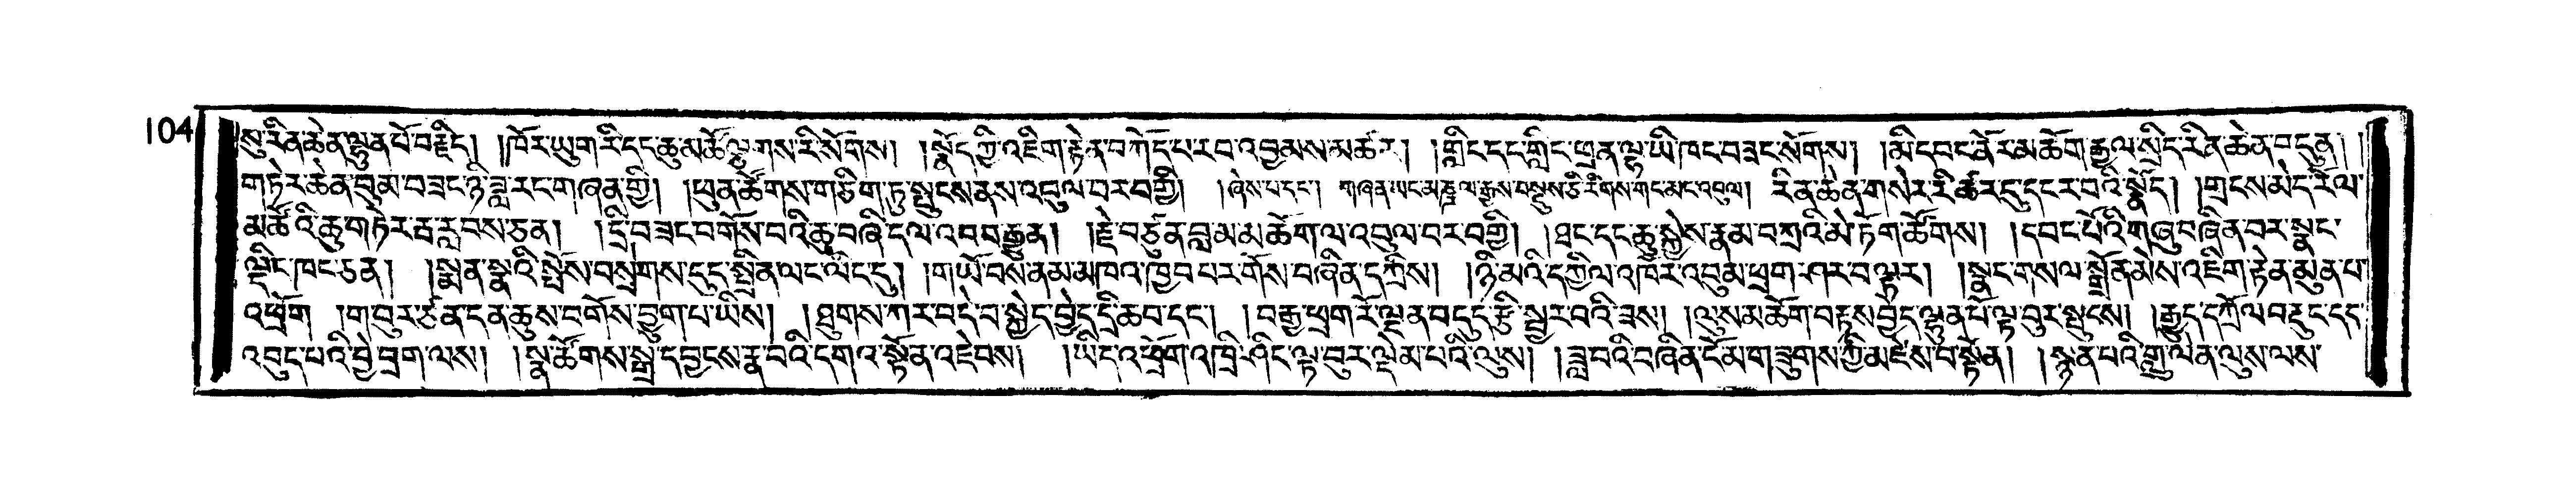སུ་རིན་ཆེན་ལྷུན་པོ་བརྗིད། །ཁོར་ཡུག་རི་དང་ཆུ་མཚོ་ལྕགས་རི་སོགས། །སྣོད་ཀྱི་འཇིག་རྟེན་བཀོད་པ་རབ་འབྱམས་མཚར། །གླིང་དང་གླིང་ཕྲན་ལྷ་ཡི་ཁང་བཟང་སོགས། །མི་དབང་ནོར་མཆོག་རྒྱལ་སྲིད་རིན་ཆེན་བདུན། །
གཏེར་ཆེན་བུམ་བཟང་ཉི་ཟླ་རང་གཞན་གྱི། །ཕུན་ཚོགས་གཅིག་ཏུ་སྤུངས་ནས་འབུལ་པར་བགྱི། །ཞེས་པ་དང་། གཞན་ཡང་མཎ་ཌལ་རྒྱས་བསྡུས་ཅི་རིགས་གང་མང་འབུལ། །རིན་ཆེན་གསེར་རི་ཚར་དུ་དངར་བའི་སྣོད། །གྲངས་མེད་རོལ་
མཚོའི་ཆུ་གཏེར་རྦ་རླབས་ཅན། །དྲི་བཟང་བགོས་པའི་ཆུ་བཞི་དལ་འབབ་རྒྱུན། །རྗེ་བཙུན་བླ་མ་མཆོག་ལ་འབུལ་བར་བགྱི། །ཐང་དང་ཆུ་སྐྱེས་རྣམ་བཀྲའི་མེ་ཏོག་ཚོགས། །དབང་པོའི་གཞུང་བཞིན་བར་སྣང་
ལྡིང་ཁང་ཅན། །སྨན་སྣའི་སྤོས་བསྲེགས་དུད་སྤྲིན་ལང་ལིང་དུ། །གཡོ་བས་ནམ་མཁའ་ཁྱབ་པར་གོས་བཞིན་དཀྲིས། །ཉི་མའི་དཀྱིལ་འཁོར་འབུམ་ཕྲག་ཤར་བ་ལྟར། །སྣང་གསལ་སྒྲོན་མེས་འཇིག་རྟེན་མུན་པ་
འཕྲོག །ག་བུར་ཙན་དན་ཆུས་བགོས་བྱུག་པ་ཡིས། །ཐུགས་ཀར་བདེ་བ་སྐྱེད་བྱེད་དྲི་ཆབ་དང་། །བརྒྱ་ཕྲག་རོ་ལྡན་བདུད་རྩི་སྦྱར་བའི་ཟས། །ལུས་མཆོག་བརྟས་བྱེད་ལྷུན་པོ་ལྟ་བུར་སྤུངས། །རྒྱུད་དཀྲོ་བརྡུང་དང་
འབུད་པའི་བྱེ་བྲག་ལས། །སྣ་ཚོགས་སྒྲ་དབྱངས་རྣ་བའི་དགའ་སྟོན་འཇེབས། །ཡིད་འཕྲོག་འཁྲི་ཤིང་ལྟ་བུར་ལྡེམ་པའི་ལུས། །ཟླ་བའི་བཞིན་ངོམ་གཟུགས་ཀྱི་མཛེས་པ་སྟོན། །སྙན་པའི་གླུ་ལེན་ལུས་ལས་